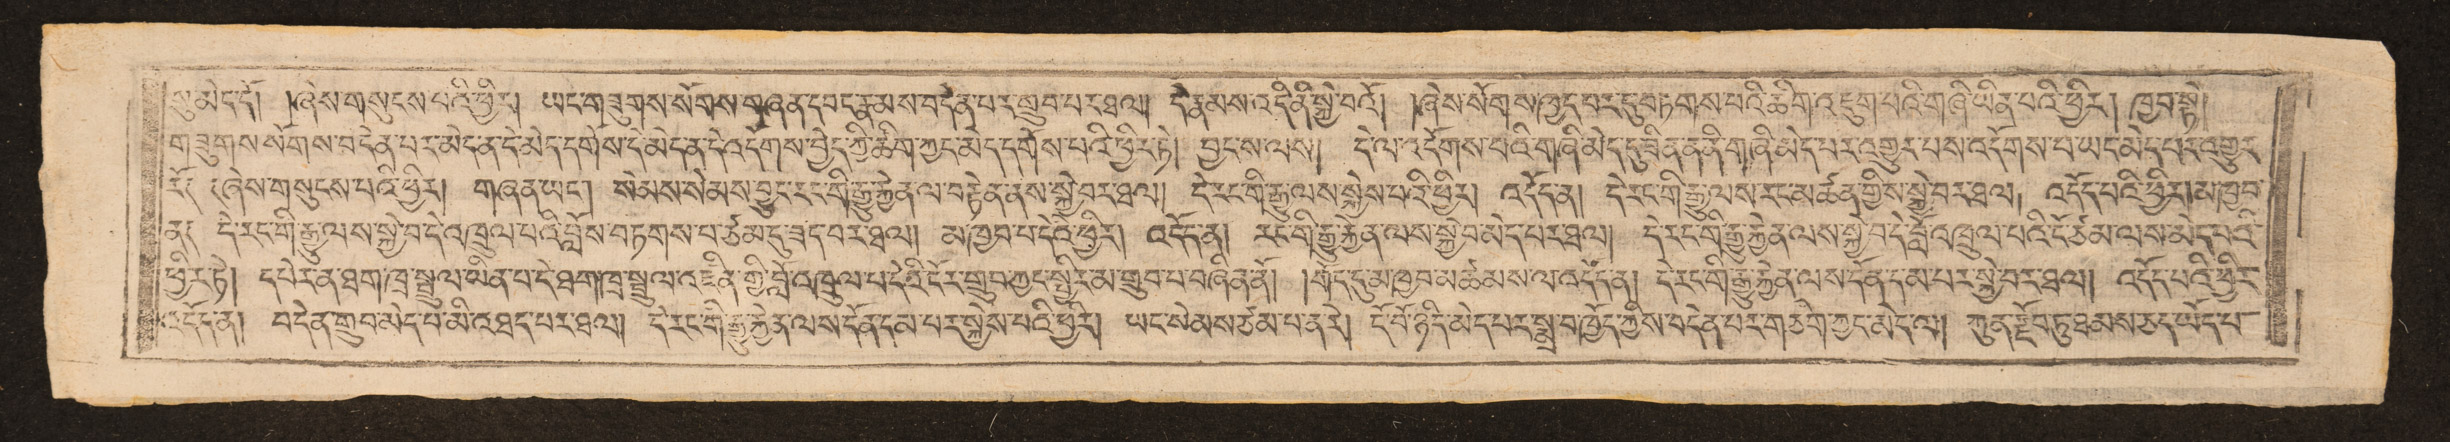སུ་མེད་དོ། །ཞེས་གསུངས་པའི་ཕྱིར། ཡང་གཟུགས་སོགས་གཞན་དབང་རྣམས་བདེན་པར་གྲུབ་པར་ཐལ། དེ་རྣམས་འདི་ནི་སྐྱེ་བའོ། །ཞེས་སོགས་ཁྱད་པར་དུ་བཏགས་པའི་ཚིག་འཇུག་པའི་གཞི་ཡིན་པའི་ཕྱིར། ཁྱབ་སྟེ།
གཟུགས་སོགས་བདེན་པར་མེད་ན་དེ་མེད་དགོས་དེ་མེད་ན་དེ་འདོགས་བྱེད་ཀྱི་ཚིག་ཀྱང་མེད་དགོས་པའི་ཕྱིར་ཏེ། བྱང་ས་ལས། དེ་ལ་འདོགས་པའི་གཞི་མེད་དུ་ཟིན་ན་ནི་གཞི་མེད་པར་འགྱུར་བས་འདོགས་པ་ཡང་མེད་པར་འགྱུར་
རོ༑ ༑ཞེས་གསུངས་པའི་ཕྱིར། གཞན་ཡང་། སེམས་སེམས་བྱུང་རང་གི་རྒྱུ་རྐྱེན་ལ་བརྟེན་ནས་སྐྱེ་བར་ཐལ། དེ་རང་གི་རྒྱུ་ལས་སྐྱེས་པའི་ཕྱིར། འདོད་ན། དེ་རང་གི་རྒྱུ་ལས་རང་མཚན་གྱིས་སྐྱེ་བར་ཐལ། འདོད་པའི་ཕྱིར། མ་ཁྱབ་
ན༑ དེ་རང་གི་རྒྱུ་ལས་སྐྱེ་བ་དེ་འཁྲུལ་པའི་བློས་བཏགས་པ་ཙམ་དུ་ཟད་པར་ཐལ། མ་ཁྱབ་པ་དེའི་ཕྱིར། འདོད་ན། རང་གི་རྒྱུ་རྐྱེན་ལས་སྐྱེ་བ་མེད་པར་ཐལ། དེ་རང་གི་རྒྱུ་རྐྱེན་ལས་སྐྱེ་བ་དེ་བློ་འཁྲུལ་པའི་ངོ་ཙམ་ལས་མེད་པའི་
ཕྱིར་ཏེ། དཔེར་ན་ཐག་ཁྲ་སྤྲུལ་ཡིན་པ་དེ་ཐག་ཁྲ་སྤྲུལ་འཛིན་གྱི་བློ་འཁྲུལ་པ་དེའི་ངོར་གྲུབ་ཀྱང་སྤྱིར་མ་གྲུབ་པ་བཞིན་ནོ། །གོང་དུ་མ་ཁྱབ་མཚམས་ལ་འདོད་ན། དེ་རང་གི་རྒྱུ་རྐྱེན་ལས་དོན་དམ་པར་སྐྱེ་བར་ཐལ། འདོད་པའི་ཕྱིར་
འདོད་ན། བདེན་གྲུབ་མེད་པ་མི་འཐད་པར་ཐལ། དེ་རང་གི་རྒྱུ་རྐྱེན་ལས་དོན་དམ་པར་སྐྱེས་པའི་ཕྱིར། ཡང་སེམས་ཙམ་པ་ན་རེ། ངོ་བོ་ཉིད་མེད་པར་སྨྲ་བ་ཁྱོད་ཀྱིས་བདེན་པར་གཅིག་ཀྱང་མེད་ལ། ཀུན་རྫོབ་ཏུ་ཐམས་ཅད་ཡོད་པ་